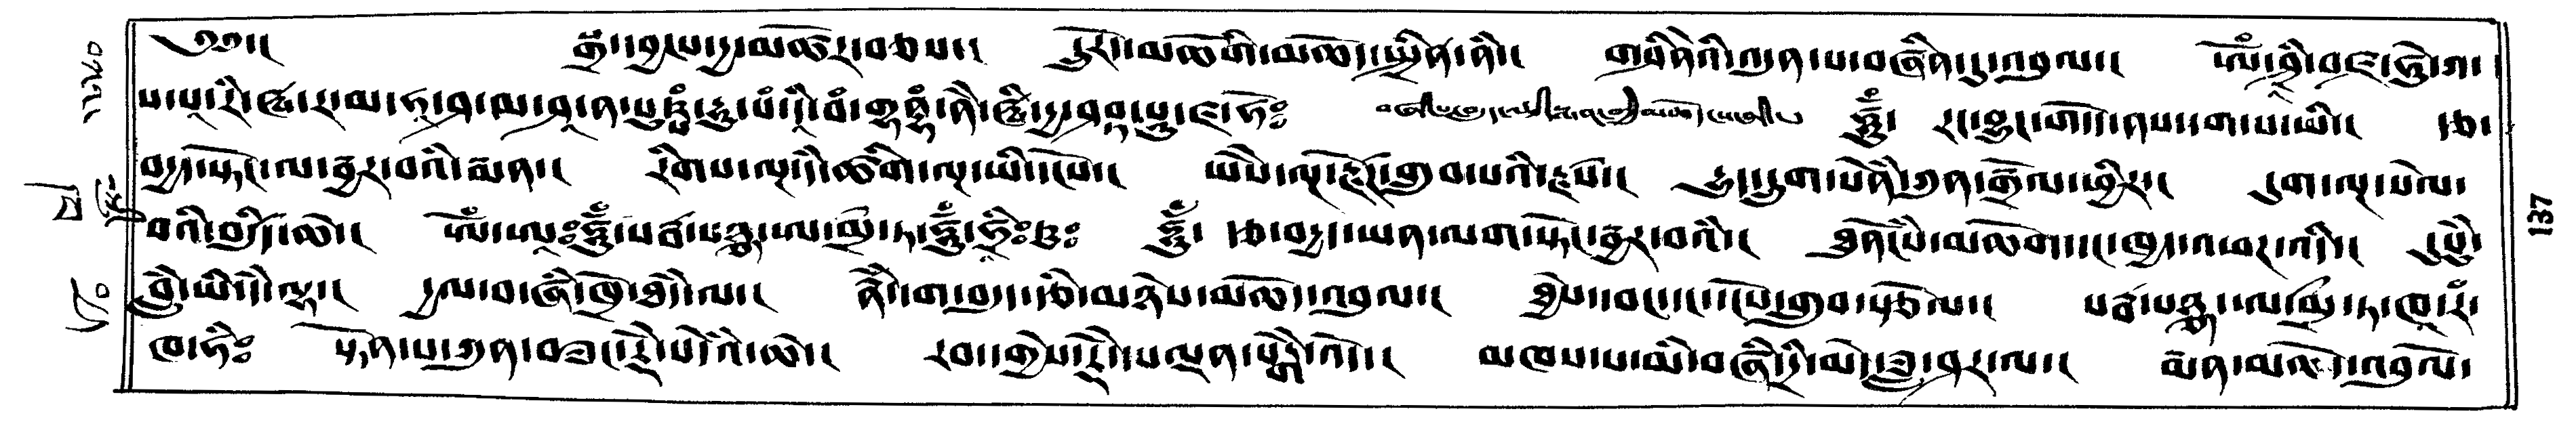སྒྲ་དབྱངས་རྒྱ་མཚོར་བཅས། །དུར་ཁྲོད་མཆོག་གི་མཆོད་སྤྲིན་ནི། །གཤིན་རྗེའི་འདུན་ས་བཞིན་དུ་འབུལ། །ཨོཾ་ཤྲཱི་བཛྲ་ཧེ་རུ་ཀ་
ས་པཱ་རི་ཝ་ར་མ་ཧཱ་ཤ་མ་ཤཱ་ན་པུཥྤཾ་དྷུ་པཾ་དཱི་སཾ་གྷནདྷཾ་ནེ་ཝི་དྱེ་ཤབྟ་པཱུ་ཛ་ཧོ༔ བཞི་པ་བདུད་རྩི་སྨན་གྱི་མཆོད་པ་ནི། ཧཱུྃ། རང་བྱུང་གདོད་ནས་དག་པ་ཡི། རྩ་
བརྒྱད་སྟོང་ལ་སྦྱར་བའི་སྨན། །རིགས་ལྔ་དམ་ཚིག་ལྔ་ཡི་དངོས། །ཡེ་ཤེས་ལྔ་རྫོགས་གྲུབ་པའི་རྫས། །རྒྱུད་དྲུག་སེམས་ཅན་ཀུན་སྒྲོལ་ཕྱིར། །དུག་ལྔ་སེལ་
བའི་བདུད་རྩི་ཆེ། །ཨོཾ་ཨཱཿཧཱུྃ་སརྦ་པཉྩ་ཨ་མྲྀ་ཏ་ཧཱུྃ་ཧྲཱིཿཋཿ ཧཱུྃ།རྩ་བརྒྱད་ཡན་ལག་སྟོང་སྦྱར་བའི། །ཐུན་མོང་མཆོག་དང་ཁྱད་འཕགས་འདི། དུས་གསུམ་
བླ་མ་ཡི་དམ་ལྷ། །རྒྱལ་བ་ཞི་ཁྲོ་ཐམས་ཅད་ལ། རྣམ་དག་བདུད་རྩི་མཉེས་མཆོད་འབུལ། །ཐུགས་རྗེས་དབང་དང་དངོས་གྲུབ་སྩོལ། །སརྦ་པཉྩ་ཨ་མྲྀ་ཏ་ཁཱ་རཾ་
ཁ་ཧིཿ སྟོན་པ་ཀུན་བཟང་རྡོ་རྗེ་སེམས་དཔའ་ཆེ། །རབ་དགྱེས་རྡོ་རྗེ་དཔལ་ལྡན་སེང་གེ་འོད། །མཁས་པ་མི་བཞི་དྲི་མེད་ཟླ་ཤར་ལ། །སྨན་མཆོད་འབུལ་ལོ་